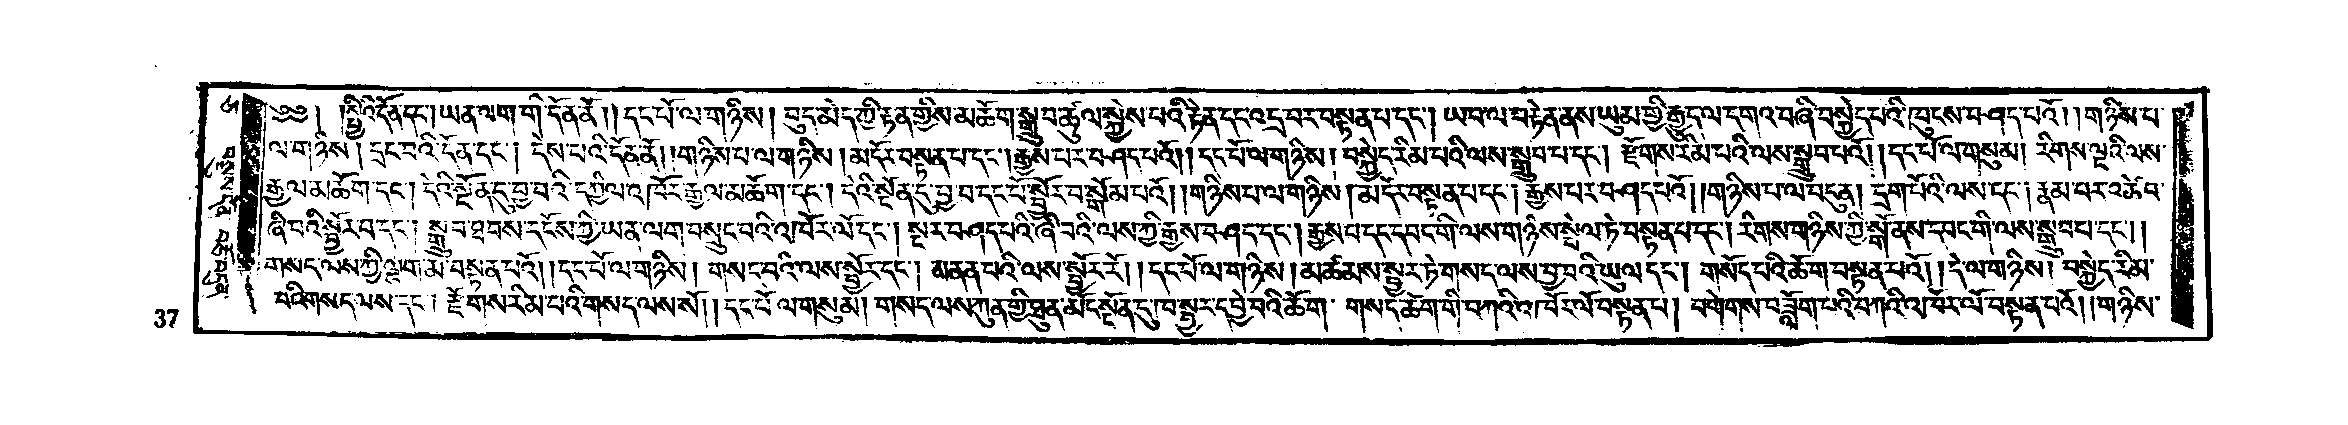༄༅། །སྤྱིའི་དོན་དང་། ཡན་ལག་གི་དོན་ནོ། །དང་པོ་ལ་གཉིས། བུད་མེད་ཀྱི་རྟེན་གྱིས་མཆོག་སྒྲུབ་ཚུལ་སྐྱེས་པའི་རྟེན་དང་འདྲ་བར་བསྟན་པ་དང་། ཡབ་ལ་བརྟེན་ནས་ཡུམ་གྱི་རྒྱུད་ལ་དགའ་བཞི་བསྐྱེད་པའི་ཁུངས་བཤད་པའོ། །གཉིས་པ་
ལ་གཉིས། དྲང་བའི་དོན་དང་། ངེས་པའི་དོན་ནོ། །གཉིས་པ་ལ་གཉིས། མདོར་བསྟན་པ་དང་། རྒྱས་པར་བཤད་པའོ། །དང་པོ་ལ་གཉིས། བསྐྱེད་རིམ་པའི་ལས་སྒྲུབ་པ་དང་། རྫོགས་རིམ་པའི་ལས་སྒྲུབ་པའོ། །དང་པོ་ལ་གསུམ། རིགས་ལྔའི་ལས་
རྒྱལ་མཆོག་དང་། དེའི་སྔོན་དུ་བྱ་བའི་དཀྱིལ་འཁོར་རྒྱལ་མཆོག་དང་། དེའི་སྔོན་དུ་བྱ་བ་དང་པོ་སྦྱོར་བ་སྒོམ་པའོ། །གཉིས་པ་ལ་གཉིས། མདོར་བསྟན་པ་དང་། རྒྱས་པར་བཤད་པའོ། །གཉིས་པ་ལ་བདུན། དྲག་པོའི་ལས་དང་། རྣམ་པར་འཚེ་བ་
ཞི་བའི་སྦྱོར་བ་དང་། སྒྲུབ་ཐབས་དངོས་ཀྱི་ཡན་ལག་བསྲུང་བའི་འཁོར་ལོ་དང་། སྔར་བཤད་པའི་ཞི་བའི་ལས་ཀྱི་རྒྱས་བཤད་དང་། རྒྱས་པ་དང་དབང་གི་ལས་གཉིས་སྤེལ་ཏེ་བསྟན་པ་དང་། རིགས་གཉིས་ཀྱི་སྒོ་ནས་དབང་གི་ལས་སྒྲུབ་པ་དང་། ། གསད་ལས་ཀྱི་ལྷག་མ་བསྟན་པའོ། །དང་པོ་ལ་གཉིས། གསང་བའི་ལས་སྦྱོར་དང་། མནན་པའི་ལས་སྦྱོར་རོ། །དང་པོ་ལ་གཉིས། མཚམས་སྦྱར་ཏེ་གསད་ལས་བྱ་བའི་ཡུལ་དང་། གསོད་པའི་ཆོ་ག་བསྟན་པའོ། །དེ་ལ་གཉིས། བསྐྱེད་རིམ་
པའི་གསད་ལས་དང་། རྫོགས་རིམ་པའི་གསད་ལས་སོ། །དང་པོ་ལ་གསུམ། གསད་ལས་ཀུན་གྱི་ཐུན་མོང་སྔོན་དུ་ཁ་སྦྱར་དབྱེ་བའི་ཆོ་ག་གསད་ཆོག་གི་བཀའི་འཁོར་ལོ་བསྟན་པ། བགེགས་བཟློག་པའི་བཀའི་འཁོར་ལོ་བསྟན་པའོ། །གཉིས་